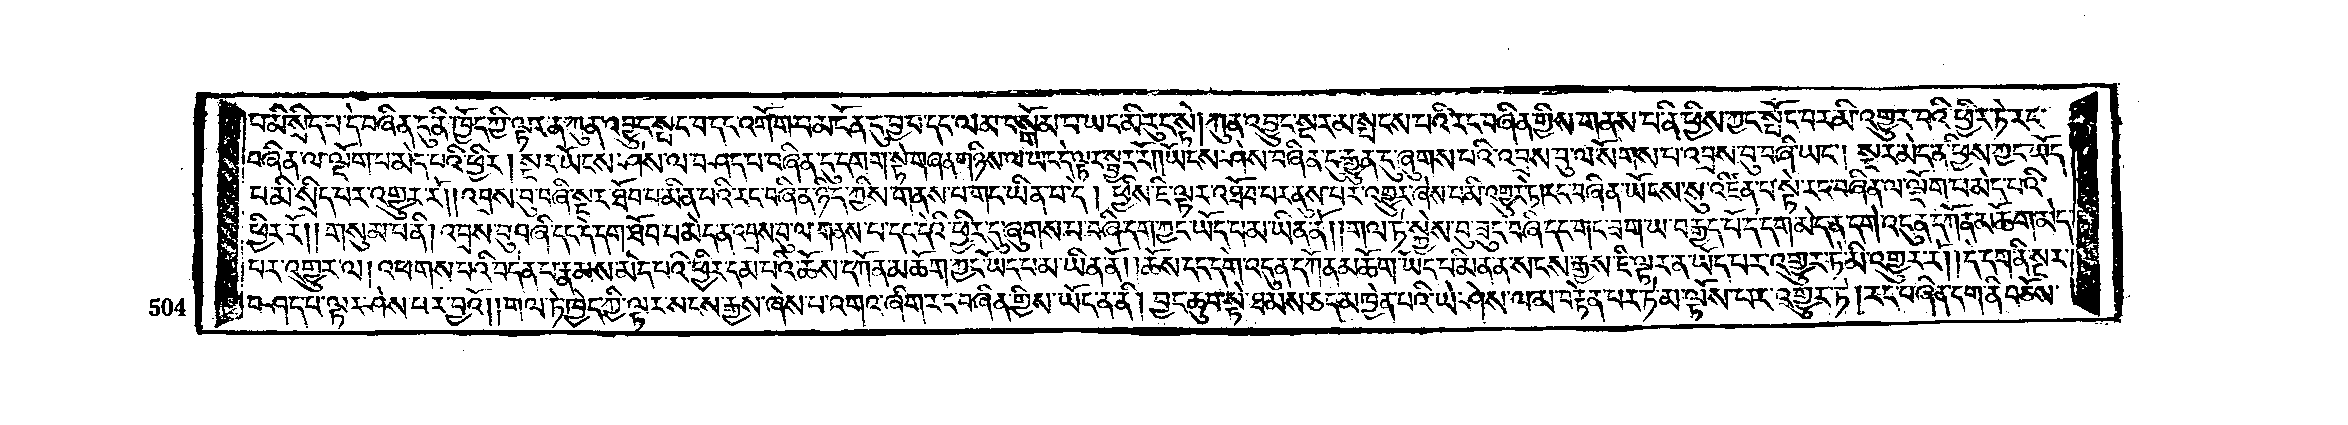པ་མི་སྲིད་པ་དེ་བཞིན་དུ་ནི་ཁྱོད་ཀྱི་ལྟར་ན་ཀུན་འབྱུང་སྤང་བ་དང་འགོག་པ་མངོན་དུ་བྱ་བ་དང་ལམ་བསྒོམ་པ་ཡང་མི་རུང་སྟེ། ཀུན་འབྱུང་སྔར་མ་སྤངས་པའི་རང་བཞིན་གྱིས་གནས་པ་ནི་ཕྱིས་ཀྱང་སྤོང་བར་མི་འགྱུར་བའི་ཕྱིར་ཏེ་རང་
བཞིན་ལ་ལྡོག་པ་མེད་པའི་ཕྱིར། སྔར་ཡོངས་ཤེས་ལ་བཤད་པ་བཞིན་དུ་དགག་སྟེ་གཞན་གཉིས་ལ་ཡང་དེ་ལྟར་སྦྱར་རོ། །ཡོངས་ཤེས་བཞིན་དུ་རྒྱུན་དུ་ཞུགས་པའི་འབྲས་བུ་ལ་སོགས་པ་འབྲས་བུ་བཞི་ཡང་། སྔར་མེད་ན་ཕྱིས་ཀྱང་ཡོད་
པ་མི་སྲིད་པར་འགྱུར་རོ། །འབྲས་བུ་བཞི་སྔར་ཐོབ་པ་མིན་པའི་རང་བཞིན་ཉིད་ཀྱིས་གནས་པ་གང་ཡིན་པ་དེ། ཕྱིས་ཇི་ལྟར་འཐོབ་པར་ནུས་པར་འགྱུར་ཞེས་པ་མི་འགྱུར་ཏེ། རང་བཞིན་ཡོངས་སུ་འཛིན་པ་སྟེ་རང་བཞིན་ལ་ལྡོག་པ་མེད་པའི་
ཕྱིར་རོ། །གསུམ་པ་ནི། འབྲས་བུ་བཞི་དང་དེ་དག་ཐོབ་པ་མེད་ན་འབྲས་བུ་ལ་གནས་པ་དང་དེའི་ཕྱིར་དུ་ཞུགས་པ་བཞི་དག་ཀྱང་ཡོད་པ་མ་ཡིན་ནོ། །གལ་ཏེ་སྐྱེས་བུ་ཟུང་བཞི་དང་གང་ཟག་ཡ་བརྒྱད་དོ་དེ་དག་མེད་ན་དགེ་འདུན་དཀོན་མཆོག་མེད་
པར་འགྱུར་ལ། འཕགས་པའི་བདེན་པ་རྣམས་མེད་པའི་ཕྱིར་དམ་པའི་ཆོས་དཀོན་མཆོག་ཀྱང་ཡོད་པ་མ་ཡིན་ནོ། །ཆོས་དང་དགེ་འདུན་དཀོན་མཆོག་ཡོད་པ་མིན་ན་སངས་རྒྱས་ཇི་ལྟར་ན་ཡོད་པར་འགྱུར་ཏེ་མི་འགྱུར་རོ། །དེ་དང་ནི་སྔར་
བཤད་པ་ལྟར་ཤེས་པར་བྱའོ། །གལ་ཏེ་ཁྱོད་ཀྱི་ལྟར་སངས་རྒྱས་ཞེས་པ་འགའ་ཞིག་རང་བཞིན་གྱིས་ཡོད་ན་ནི། བྱང་ཆུབ་སྟེ་ཐམས་ཅད་མཁྱེན་པའི་ཡེ་ཤེས་ལ་མ་བརྟེན་པར་ཏེ་མ་ལྟོས་པར་འགྱུར་ཏེ། རང་བཞིན་དག་ནི་བཅོས་